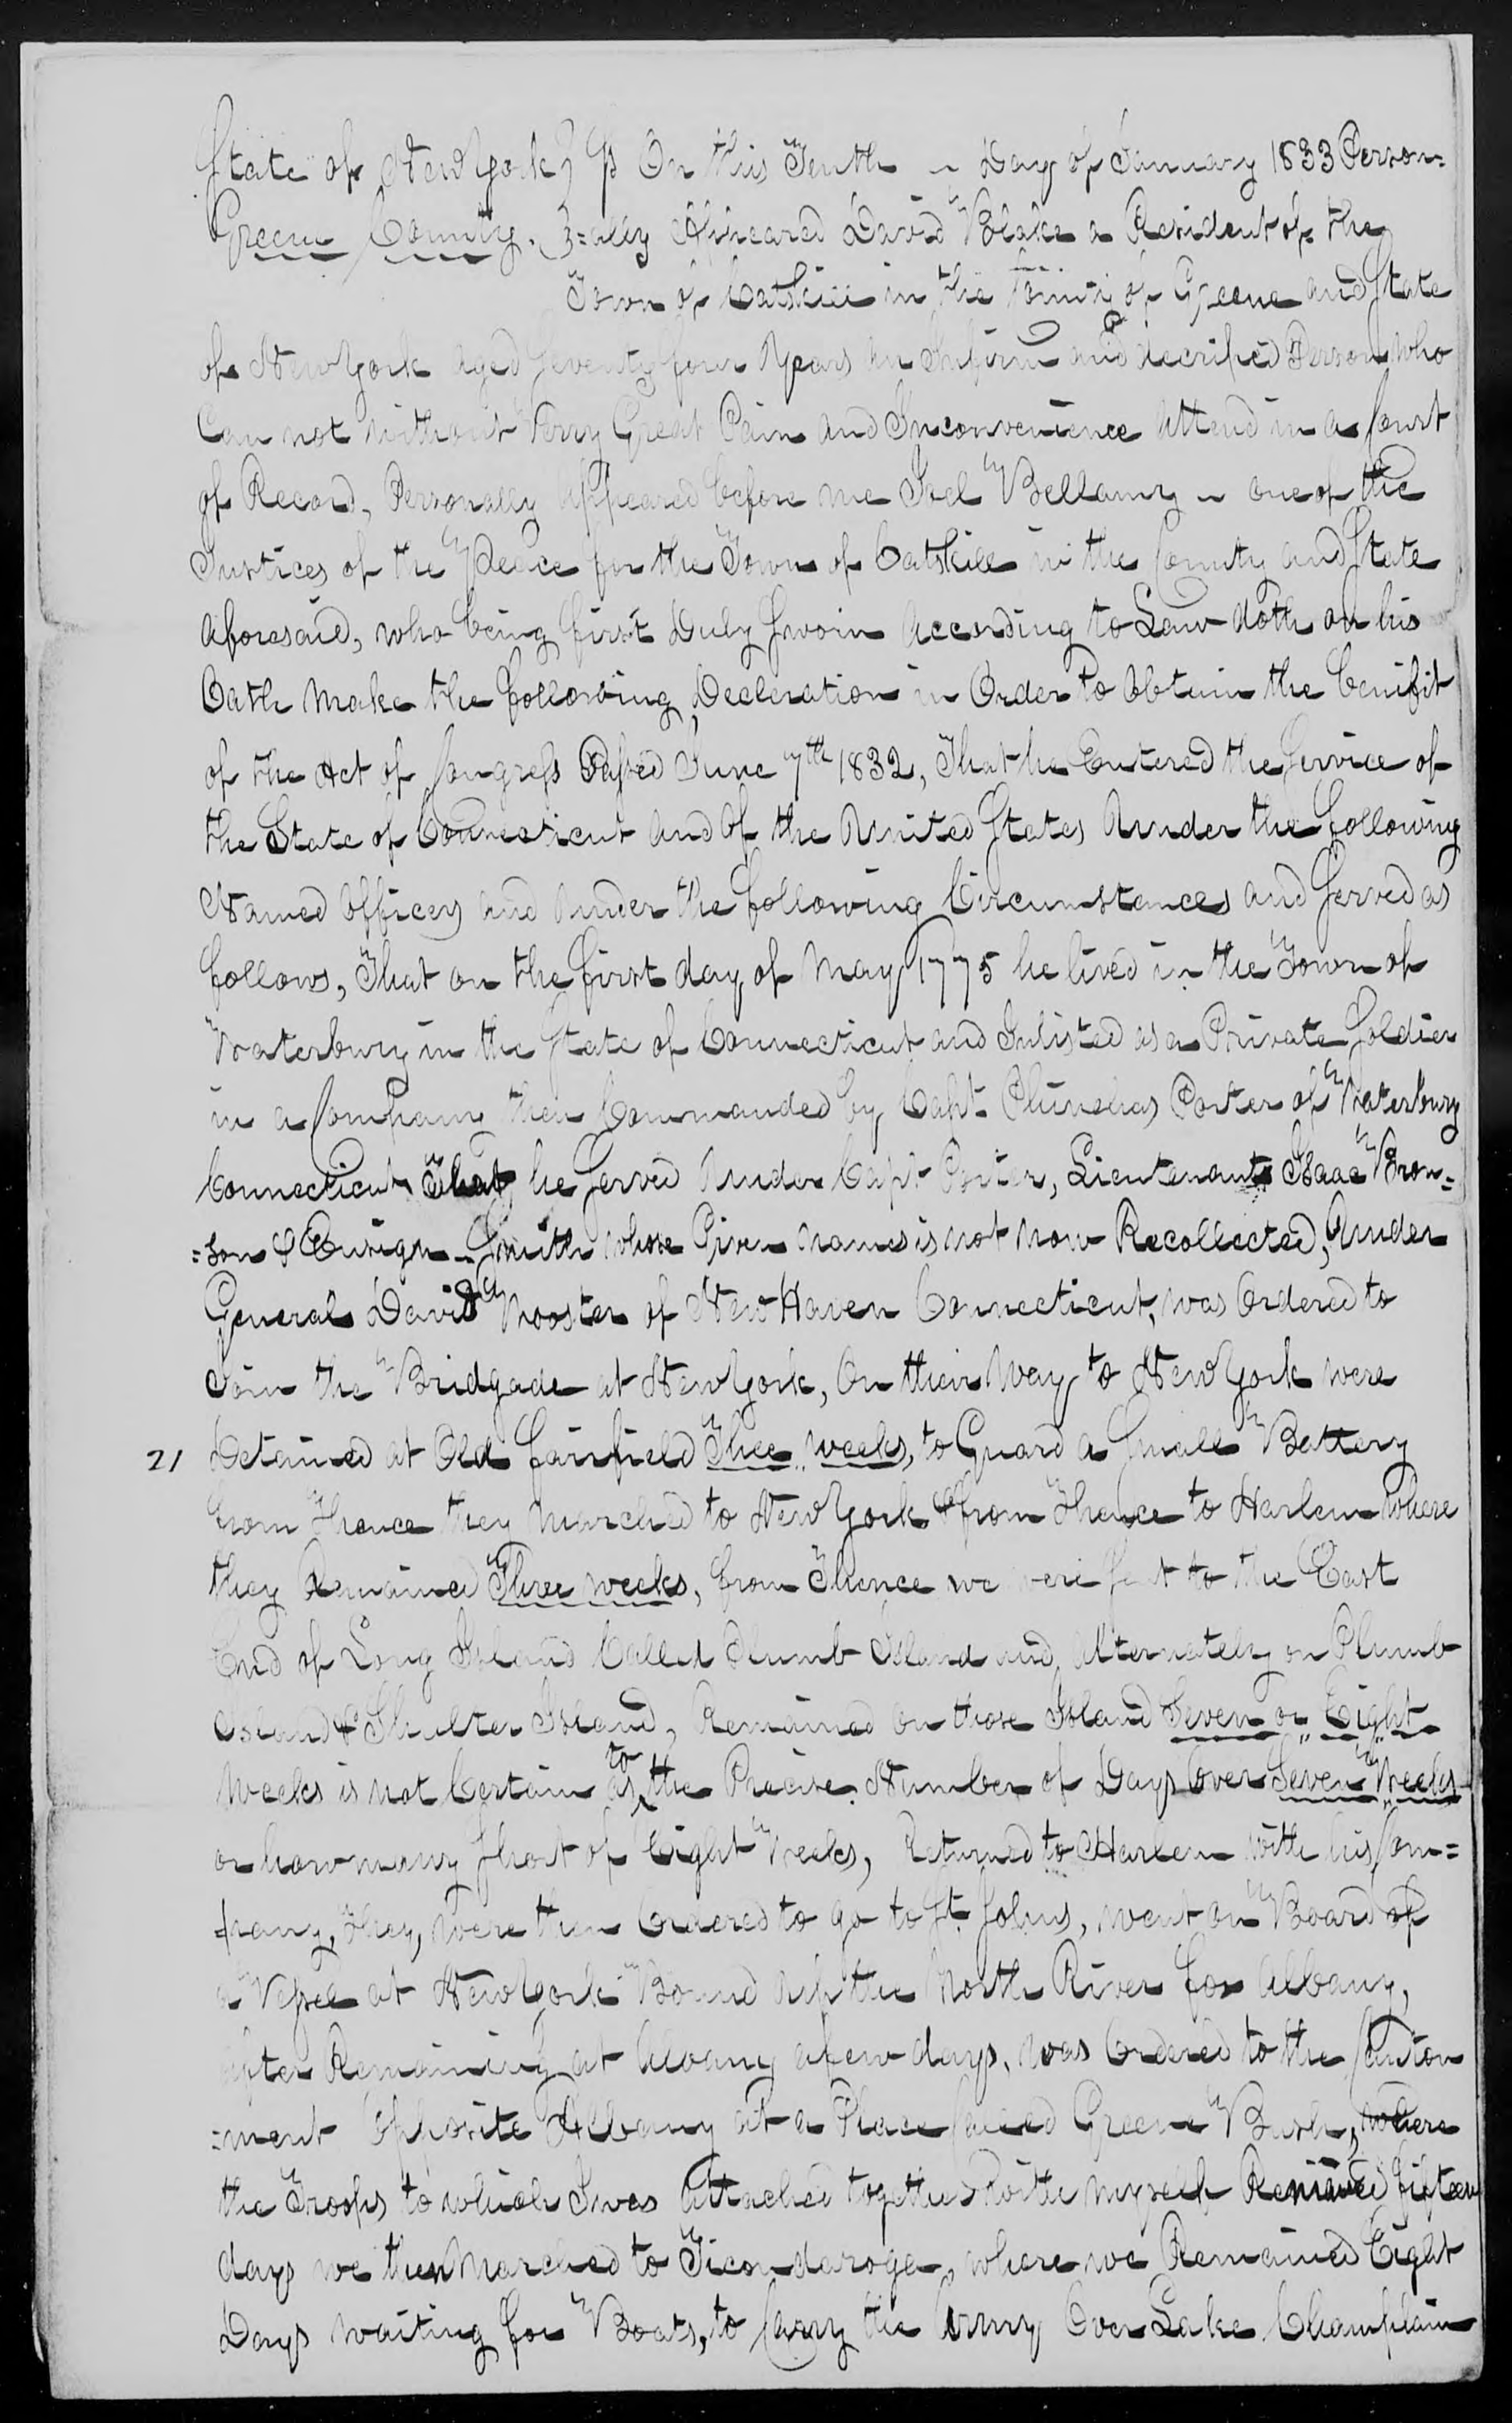State of New York is On this Tenth day of January 1833 Person
Greene County [illegible]  David Blake a Resident of the
Town & Catskill in the county of Greene and State
of New York aged seventy four years infirmed and decriped Person who
cannot without very great pain and Inconvenience attend in a Court 
of Record, Personally appeared before me Joel Bellamy one of the
Justices of the Peace for the Town of Catskill in the County and State
aforesaid, who being first duly sworn according to Law doth on his
Oath make the following Declaration in order to obtain the benefit
of the Act of Congress passed June 7th 1832, That he entered the service of
the State of Connecticut and of the United States under the following
named officers and under the following circumstances and served as
follows, That on the first day of May 1775 he lived in the Town of
Waterbury in the State of Connecticut and Inlisted as a Private Soldier
in a company there Commanded by Capt. Phinehas Porter of Waterbury
Connecticut that he served under Capt Porter, Lieutenant Isaac Browson 
& Ensign Smith whose given name is not now recollected, under
General David Wooster of New Haven Connecticut, was ordered to
join the Brigade at New York, on their way to New York were
detained at Old Fairfield Three weeks, to guard a small Battery
from thence they marched to New York from thence to Harlem where
they remained three weeks, from thence we were sent to the East
End of Long Island Called Plumb Island and Alternately on Plumb
Island & Shelter Island, remained on those Island Seven or Eight
weeks is not certain as to the precise number of days over Seven Weeks
or how many that of Eight weeks, returned to Harlem with his company, 
they were then Ordered to go to St Johns, went on board of
vessel at New York Bound in for the North River for Albany
after Remaining at Albany a few days, was ordered to the Curious
[illegible] [illegible] Albany at a place Called Green Bowling where
the Troops to which I was attached together with  myself Remained fifteen
days we then marched to Ticonderoga where we remained Eight
Days waiting for Boats, to carry the Army over Lake Champlain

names: Lake Champlain, St Johns, Isaac Brownson, David Blake, Porter, David Vrooster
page: 18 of 21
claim: survivor's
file: S. 23,128, David Blake, Conn.